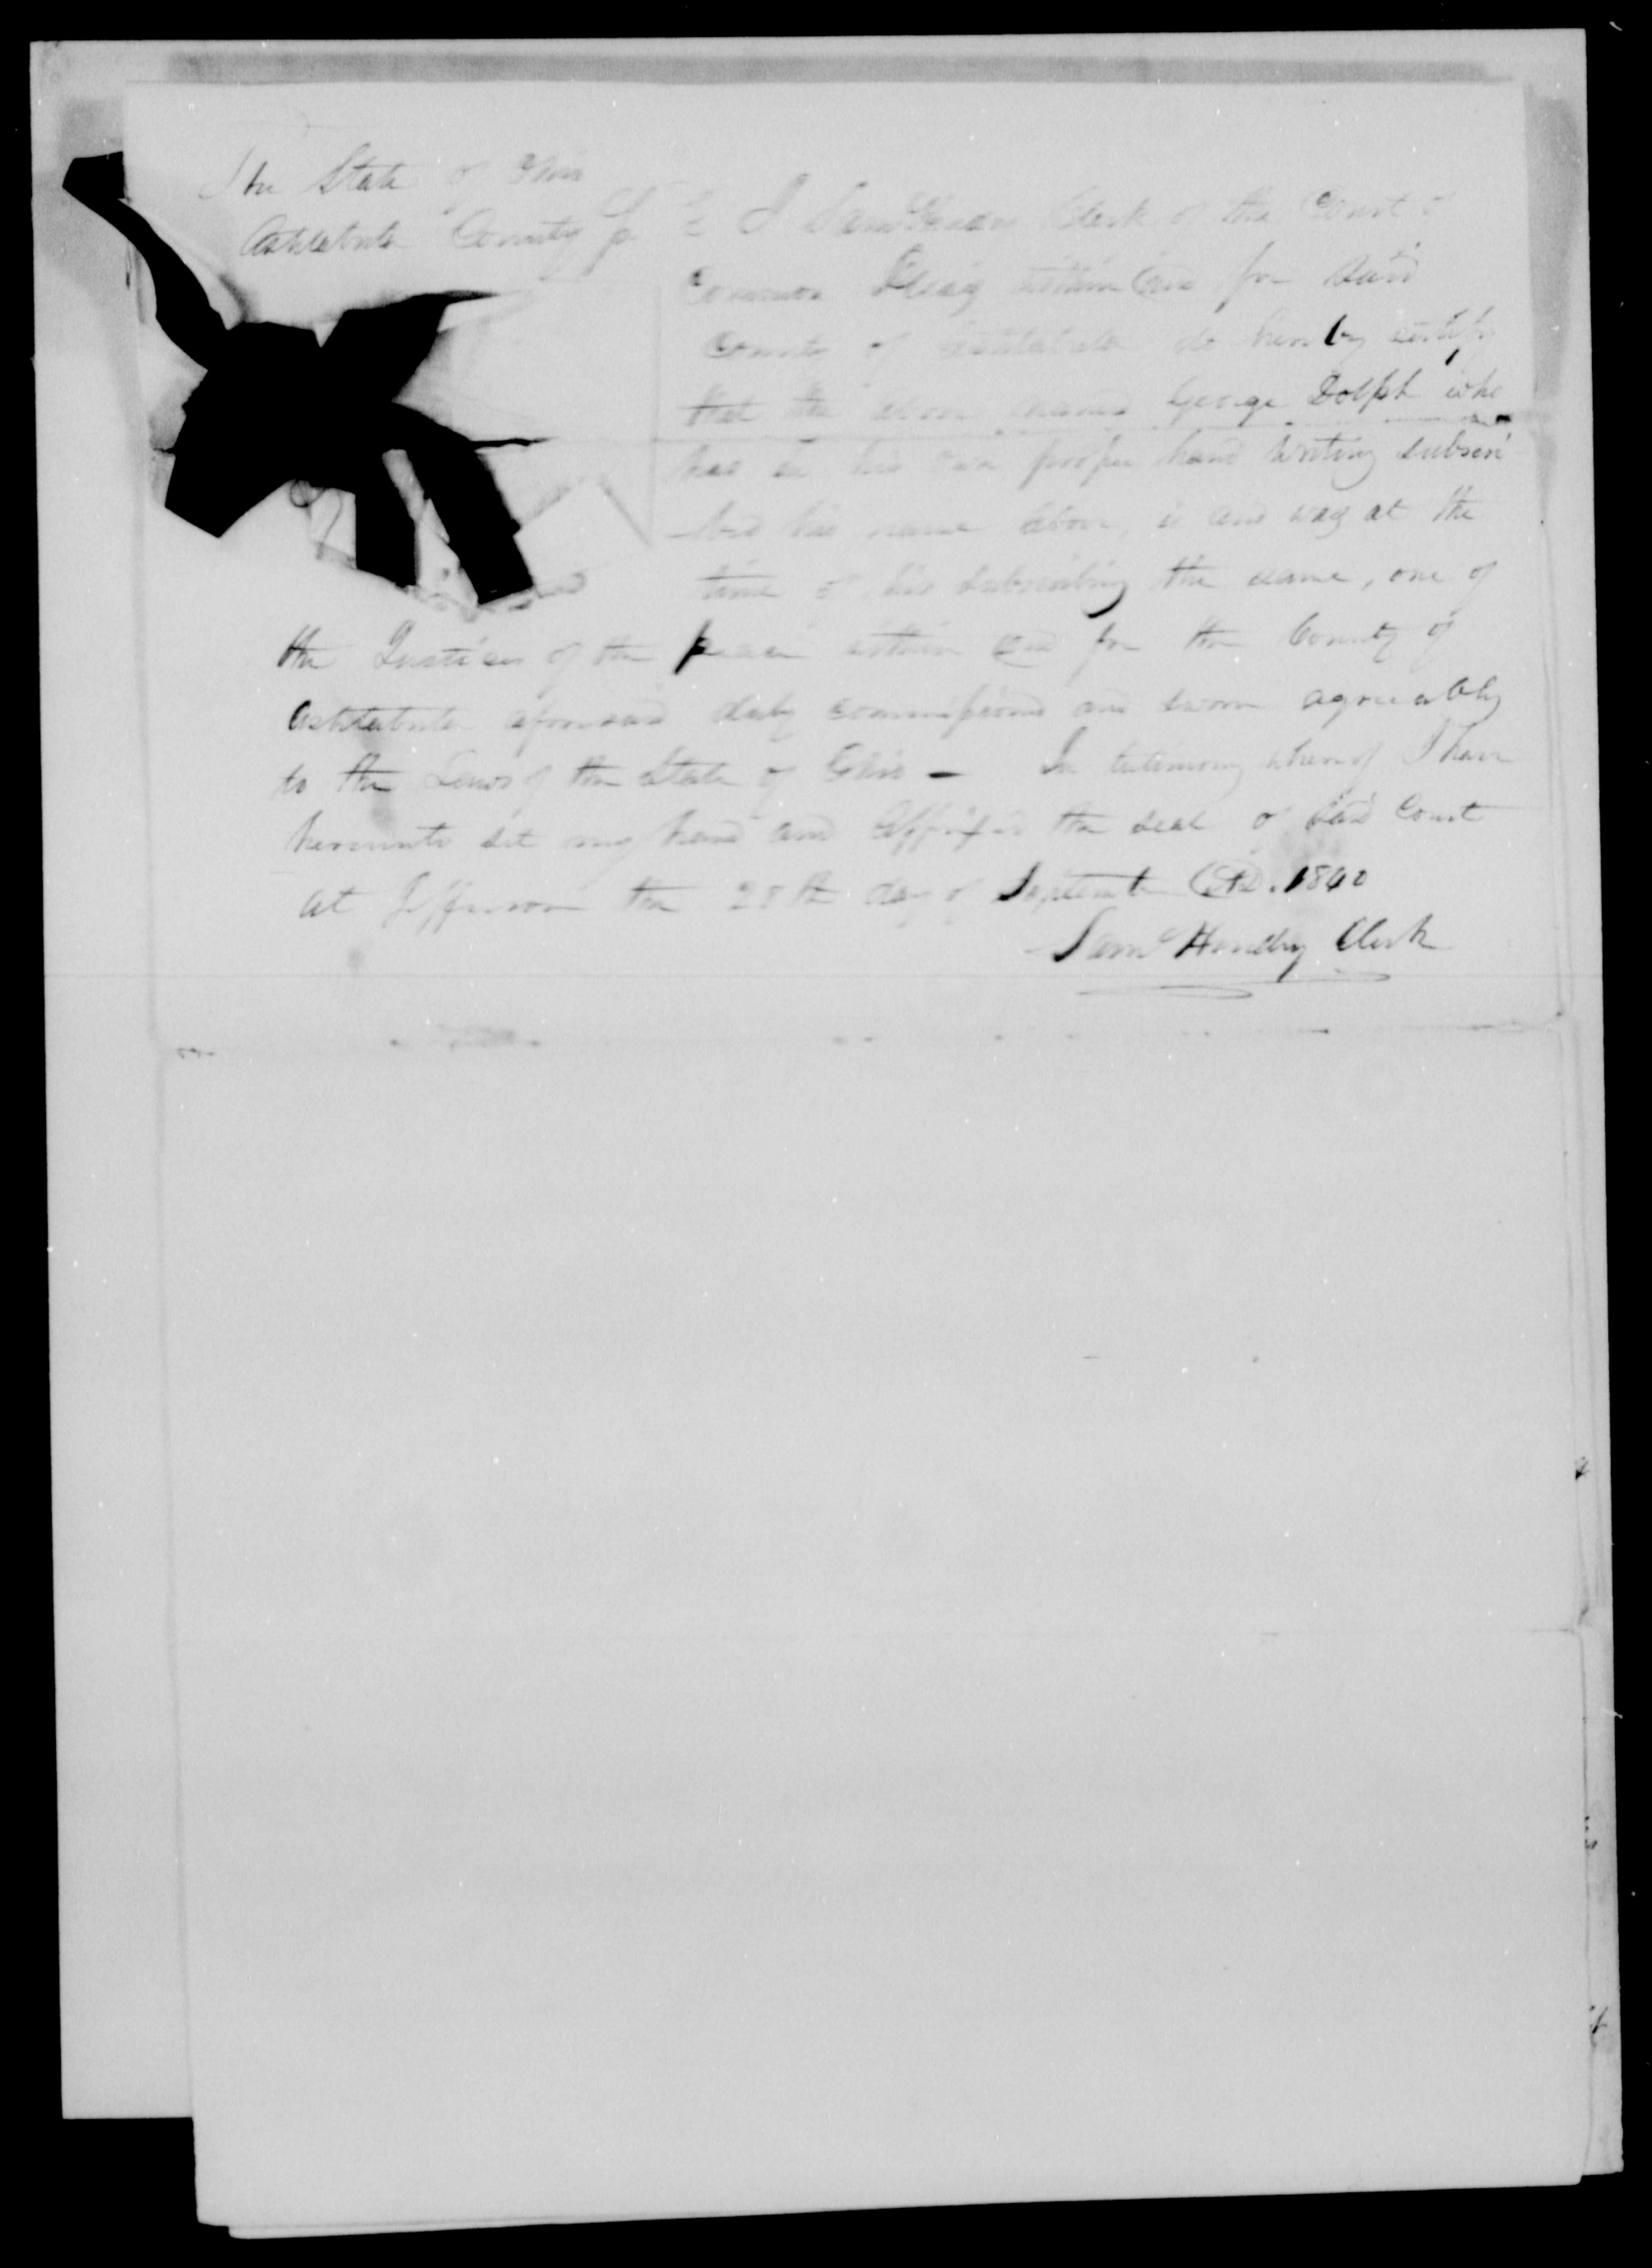the State of Ohio
Ashtabula County
Clerk of the Court
coming within and for said
Court that the hereby certify
name George Dolph who
this it is in proper handwriting subscribed
by the name above is and was at the
time his laboring the same, one of the
Justice of the peace action on the County of
statute aforesaid duly commissioned and sworn agreeably
to the Law of the State of Ohio. In testimony whereof I have
hereunto set my hand and affix the seal of said Court
this the 26th AD. 1840
Tom Hendry Clerk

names: Saml Handry; George Dolph; Saml Handry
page: 21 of 52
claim: rejected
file: R. 9493, for George Sherman, Vermont